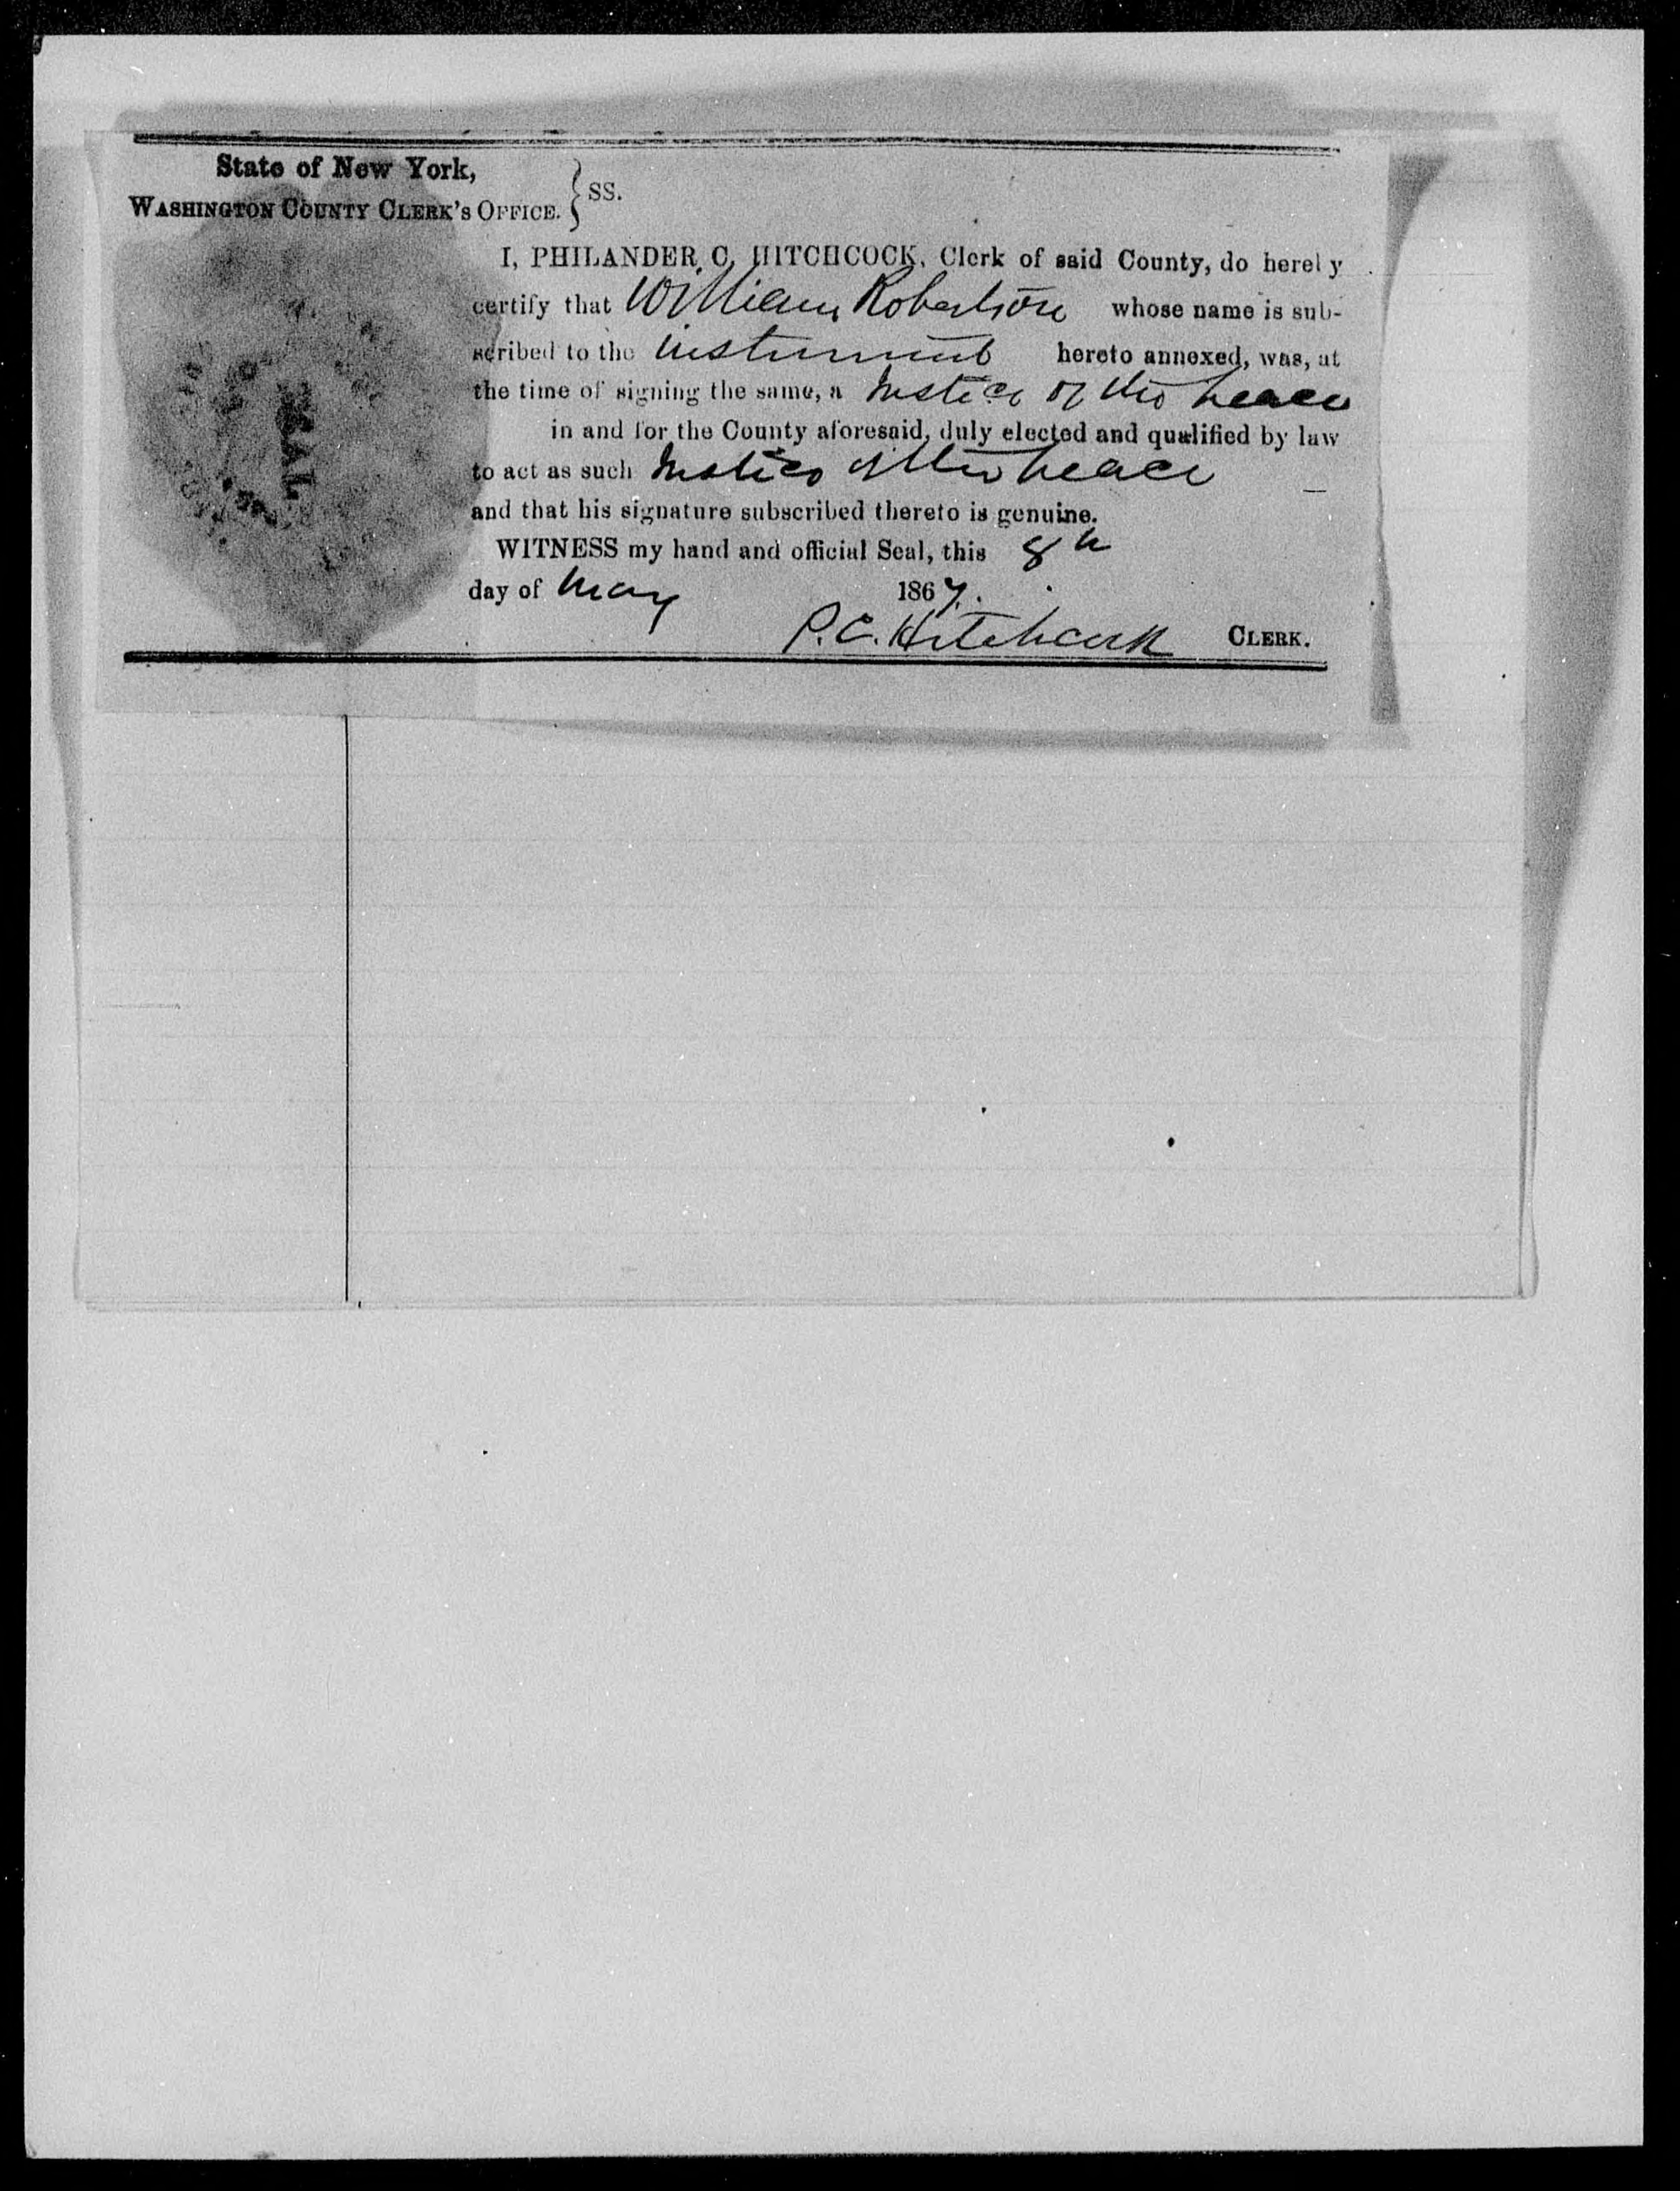State of New York,
WASHINGTON COUNTY CLERK'S OFFICE. } ss
[seal]
I, PHILANDER C. HITCHCOCK, Clerk of said County, do hereby
certify that William Robertson whose name is subcribed
to the instrument hereto annexed, was, at
the time of signing the same, a Justice of the peace
in and for the County aforesaid, duly elected and qualified by law
to act as such Justice of the peace
and that his signature subscribed thereto is genuine.
WITNESS my hand and official Seal, this 8th
day of May 1867.
P. C. Hitchcock CLERK.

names: P C Hitchcock, Philander C Hitchcock, William Robertson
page: 13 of 32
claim: survivor's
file: S. 34899, John Gibson, R.I.